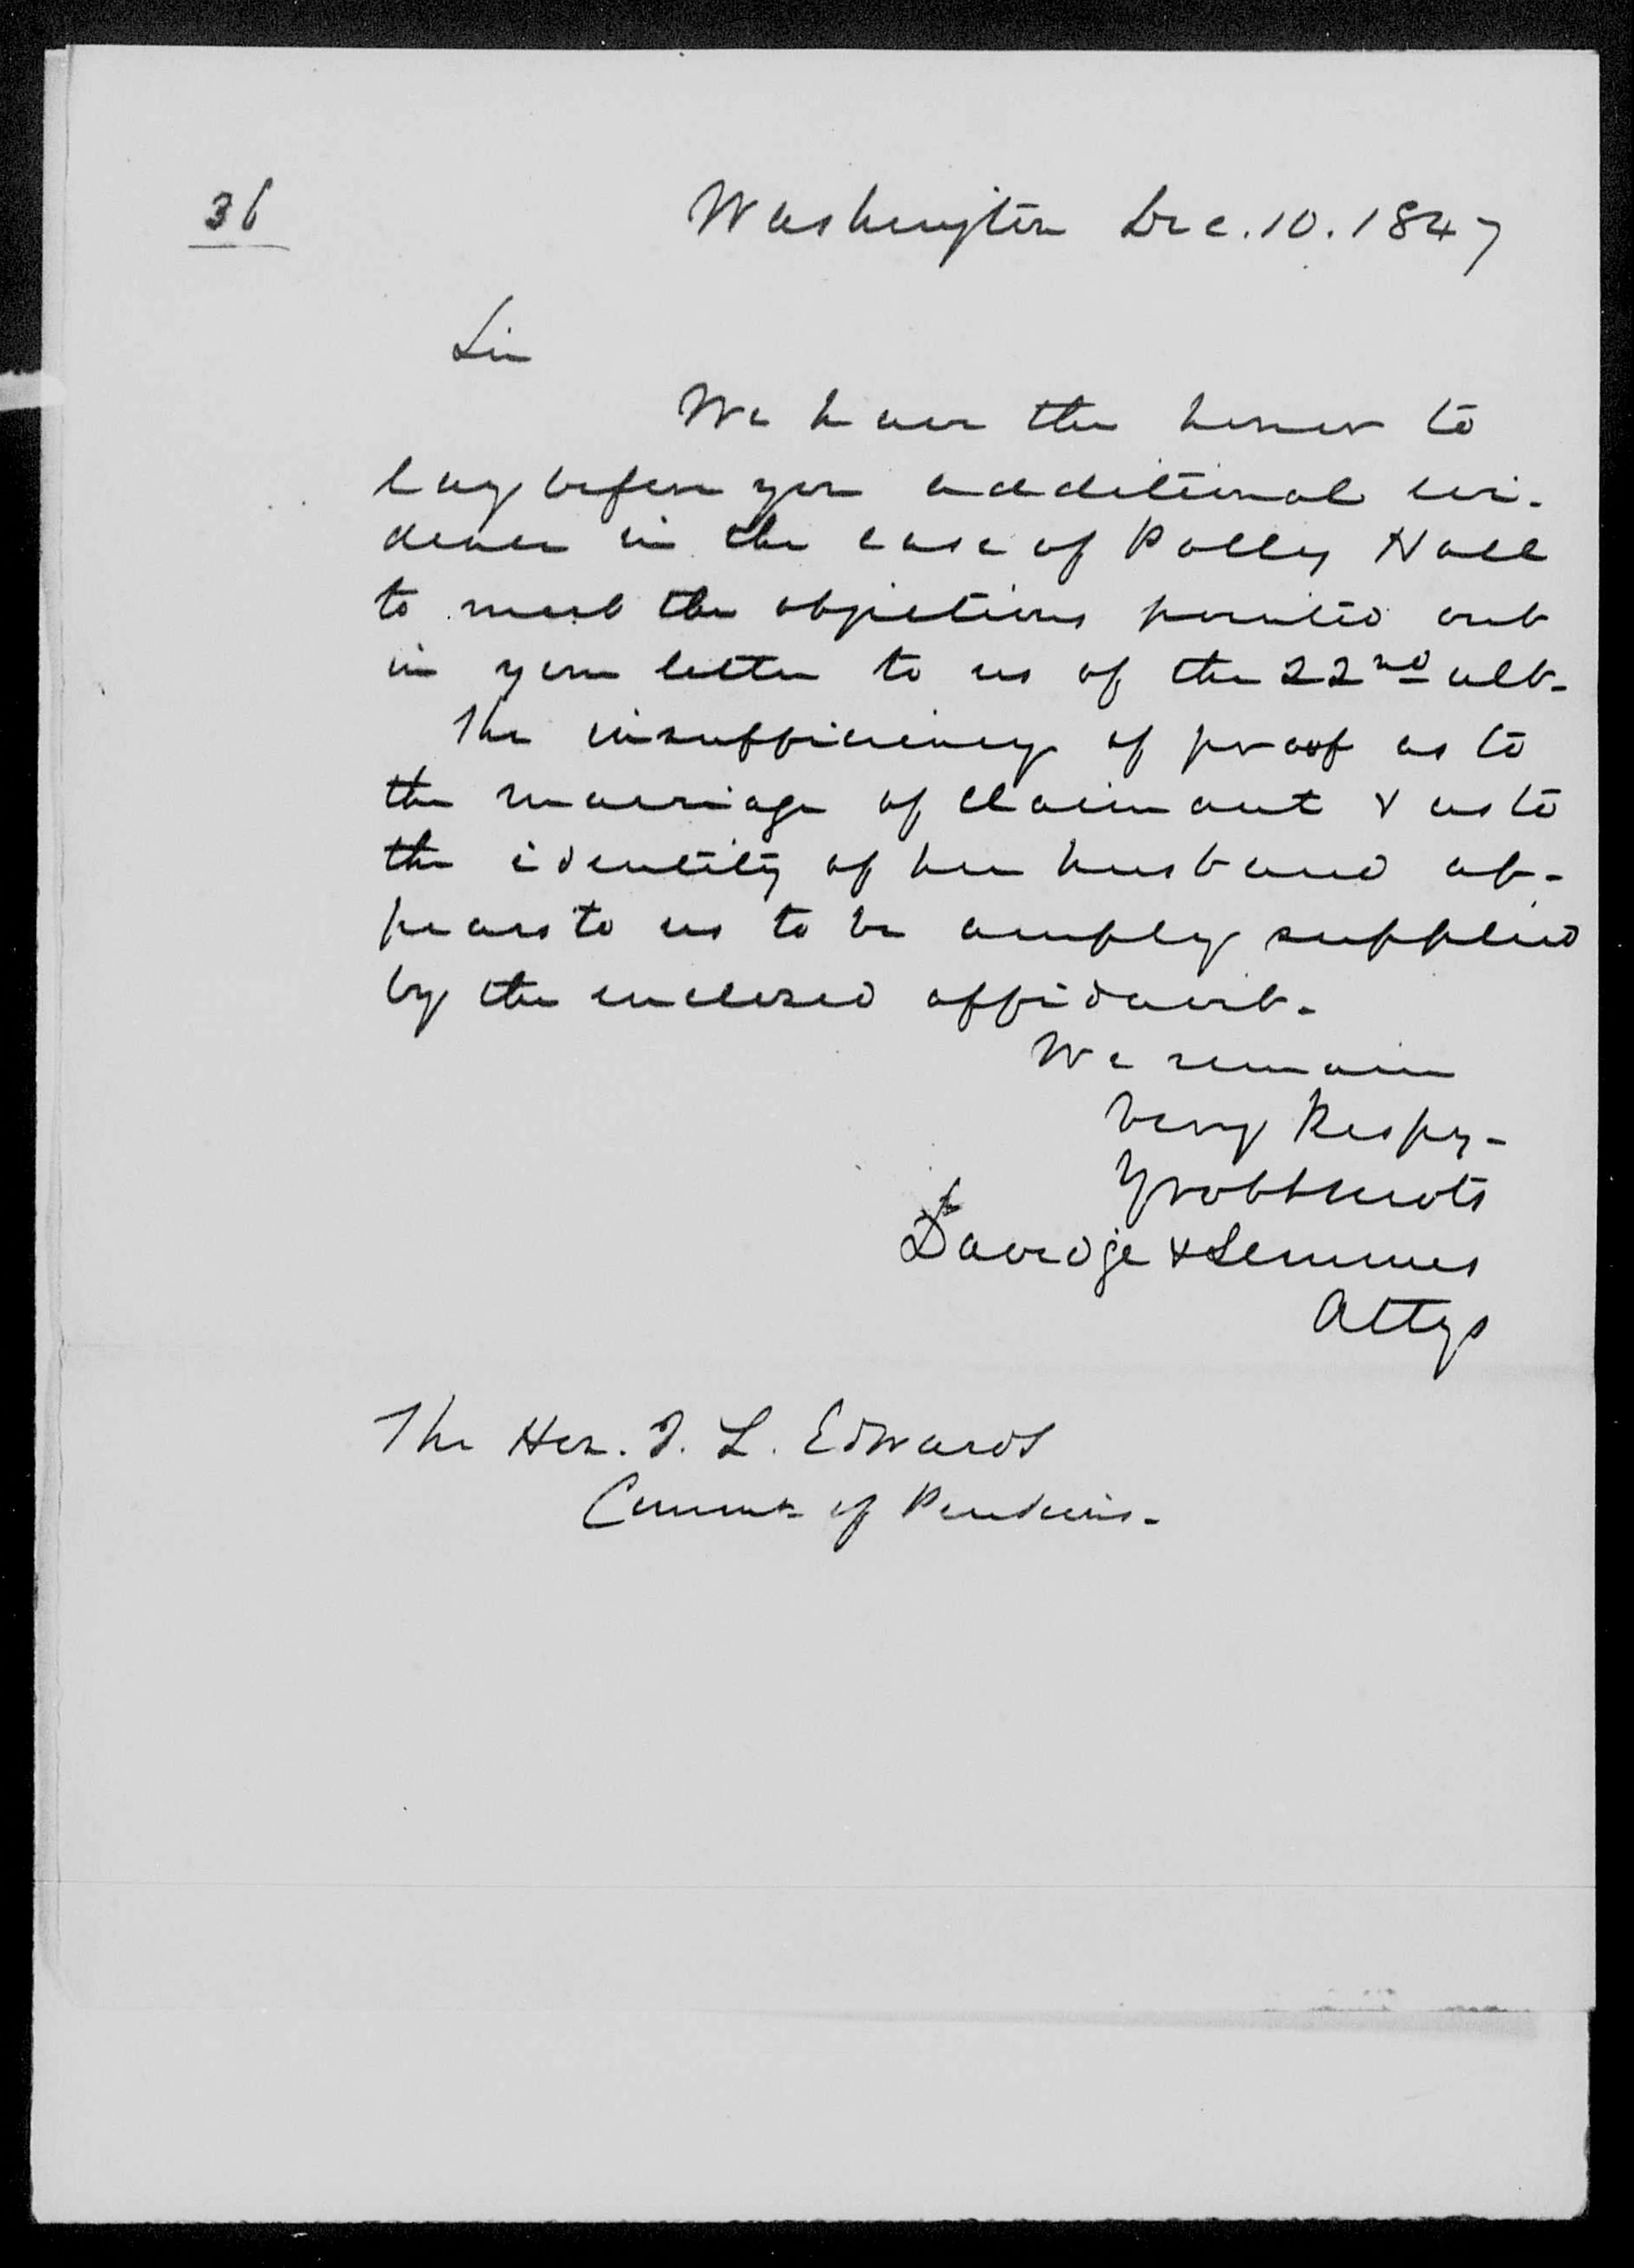36

Washington Dec. 10. 1847
Sir
We have the honor to
day before you additional in
dever in the case of Polly Hall
to meet the objections pointed out
in your letter to us of the 22d ulb
The insufficiency of proof as to
the marriage of claimant & as to
the identity of her husband ap
pears to us to be amply supplied
by the enclosed affidavit
We (illegible) 

Very Respy
(illegible)
Davidge & Semmes
Atty

The Hon. J. L. Edwards
Comm of Pensions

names: J L Edwards, Semmes, Davidge, Polly Hall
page: 30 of 61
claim: widow's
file: W. 23,236, John Hall, N.C.